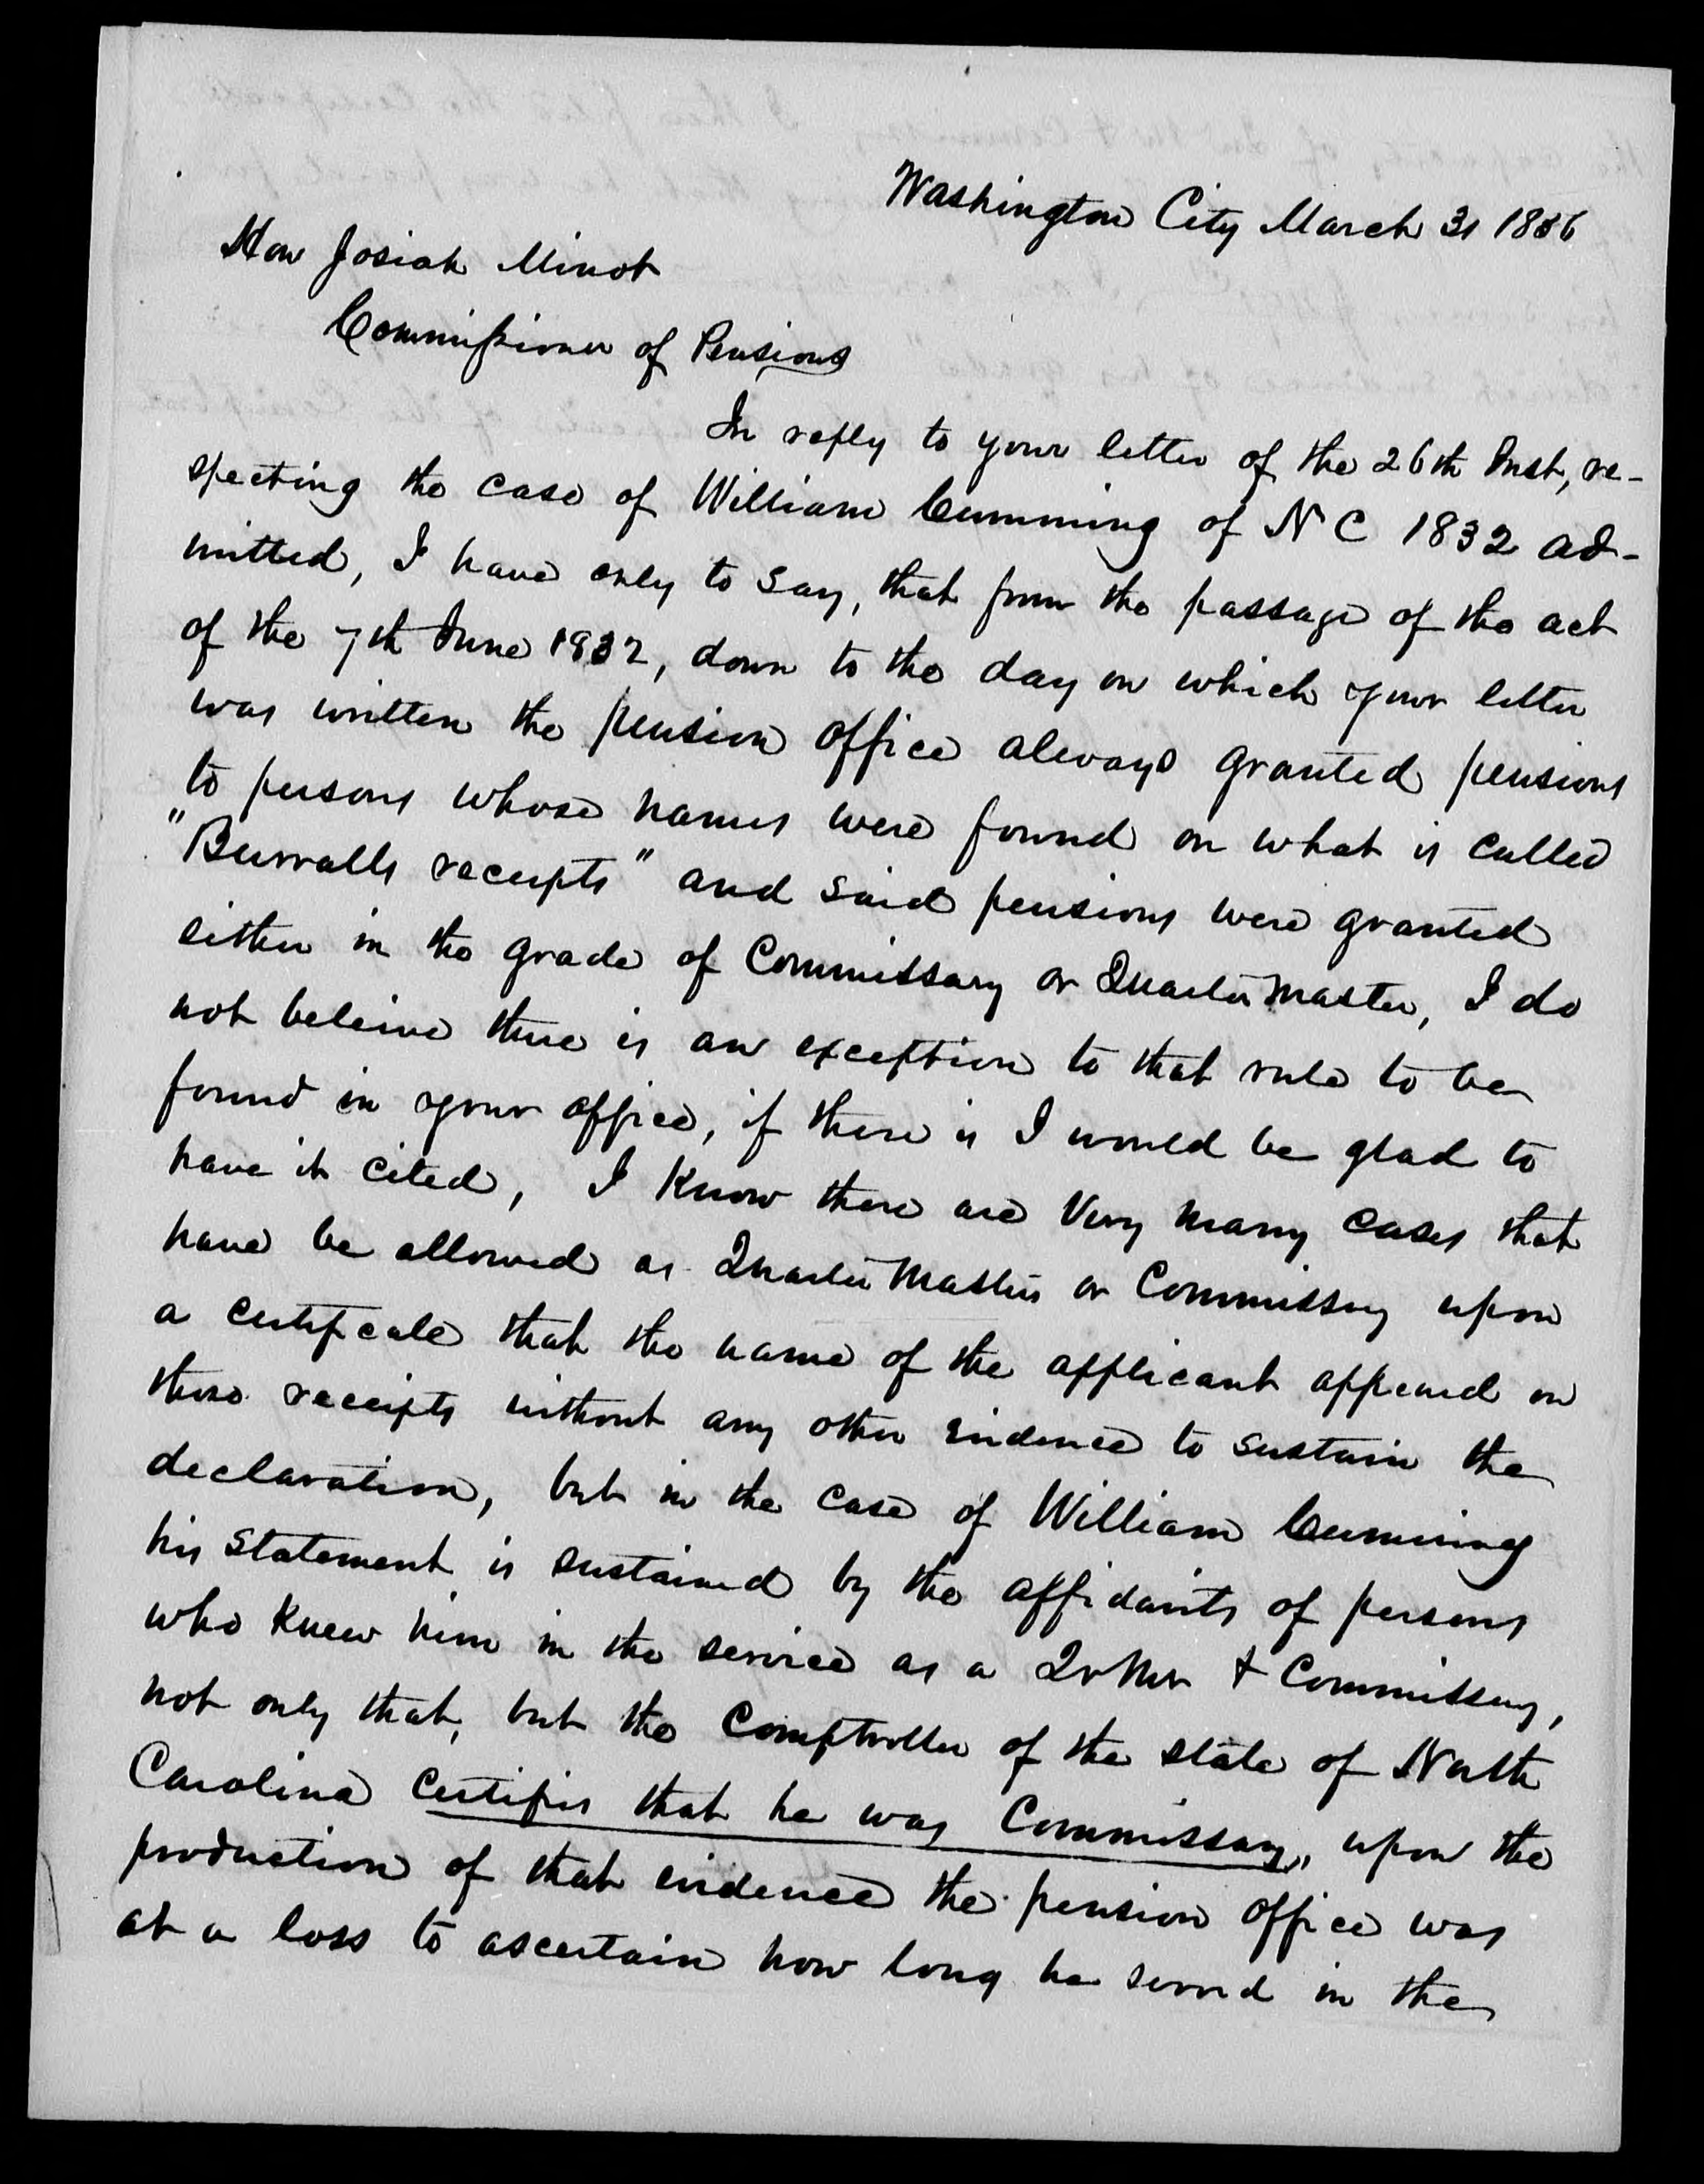[Handwritten letter.  Occasional spacing has been included to make the long text block easier to read.]

Washington City March 31, 1856

Hon Josiah Minot
Commissioner of Pensions

In reply to your letter of the 26th Inst, [Instant, meaning of this month] respecting the case of William Cumming of NC 1832 admitted, I have only to say, that from the passage of the act of the 7th June 1832, down to the day on which your letter was written the pension office always granted pensions to persons whose names were found on what is called "Burralls receipts" and said pensions were granted either in the grade of Commissary or Quarter Master,

I do not believe there is an exception to that rule to be found in your office, if there is I would be glad to have it cited, I know there are Very Many Cases that have to be allowed as Quarter Master or Commissary upon a Certificate that the name of the applicant appeared on these receipts without any other Evidence to Sustain the declaration,

but in the case of William Cumming his Statement is sustained by the affidavits of persons who knew him in the service as a QrMr [Quarter Master] and Commissary, not only that, but the Comptroller of the state of North Carolina [here the next five words are underlined] Certifies that he was Commissary, upon the production of that evidence the pension office was at a loss to ascertain how long he served in the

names: William Cumming, William Cumming, Burrall, Josiah Minot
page: 45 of 145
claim: survivor's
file: S. 8265, William Cumming, N.C.